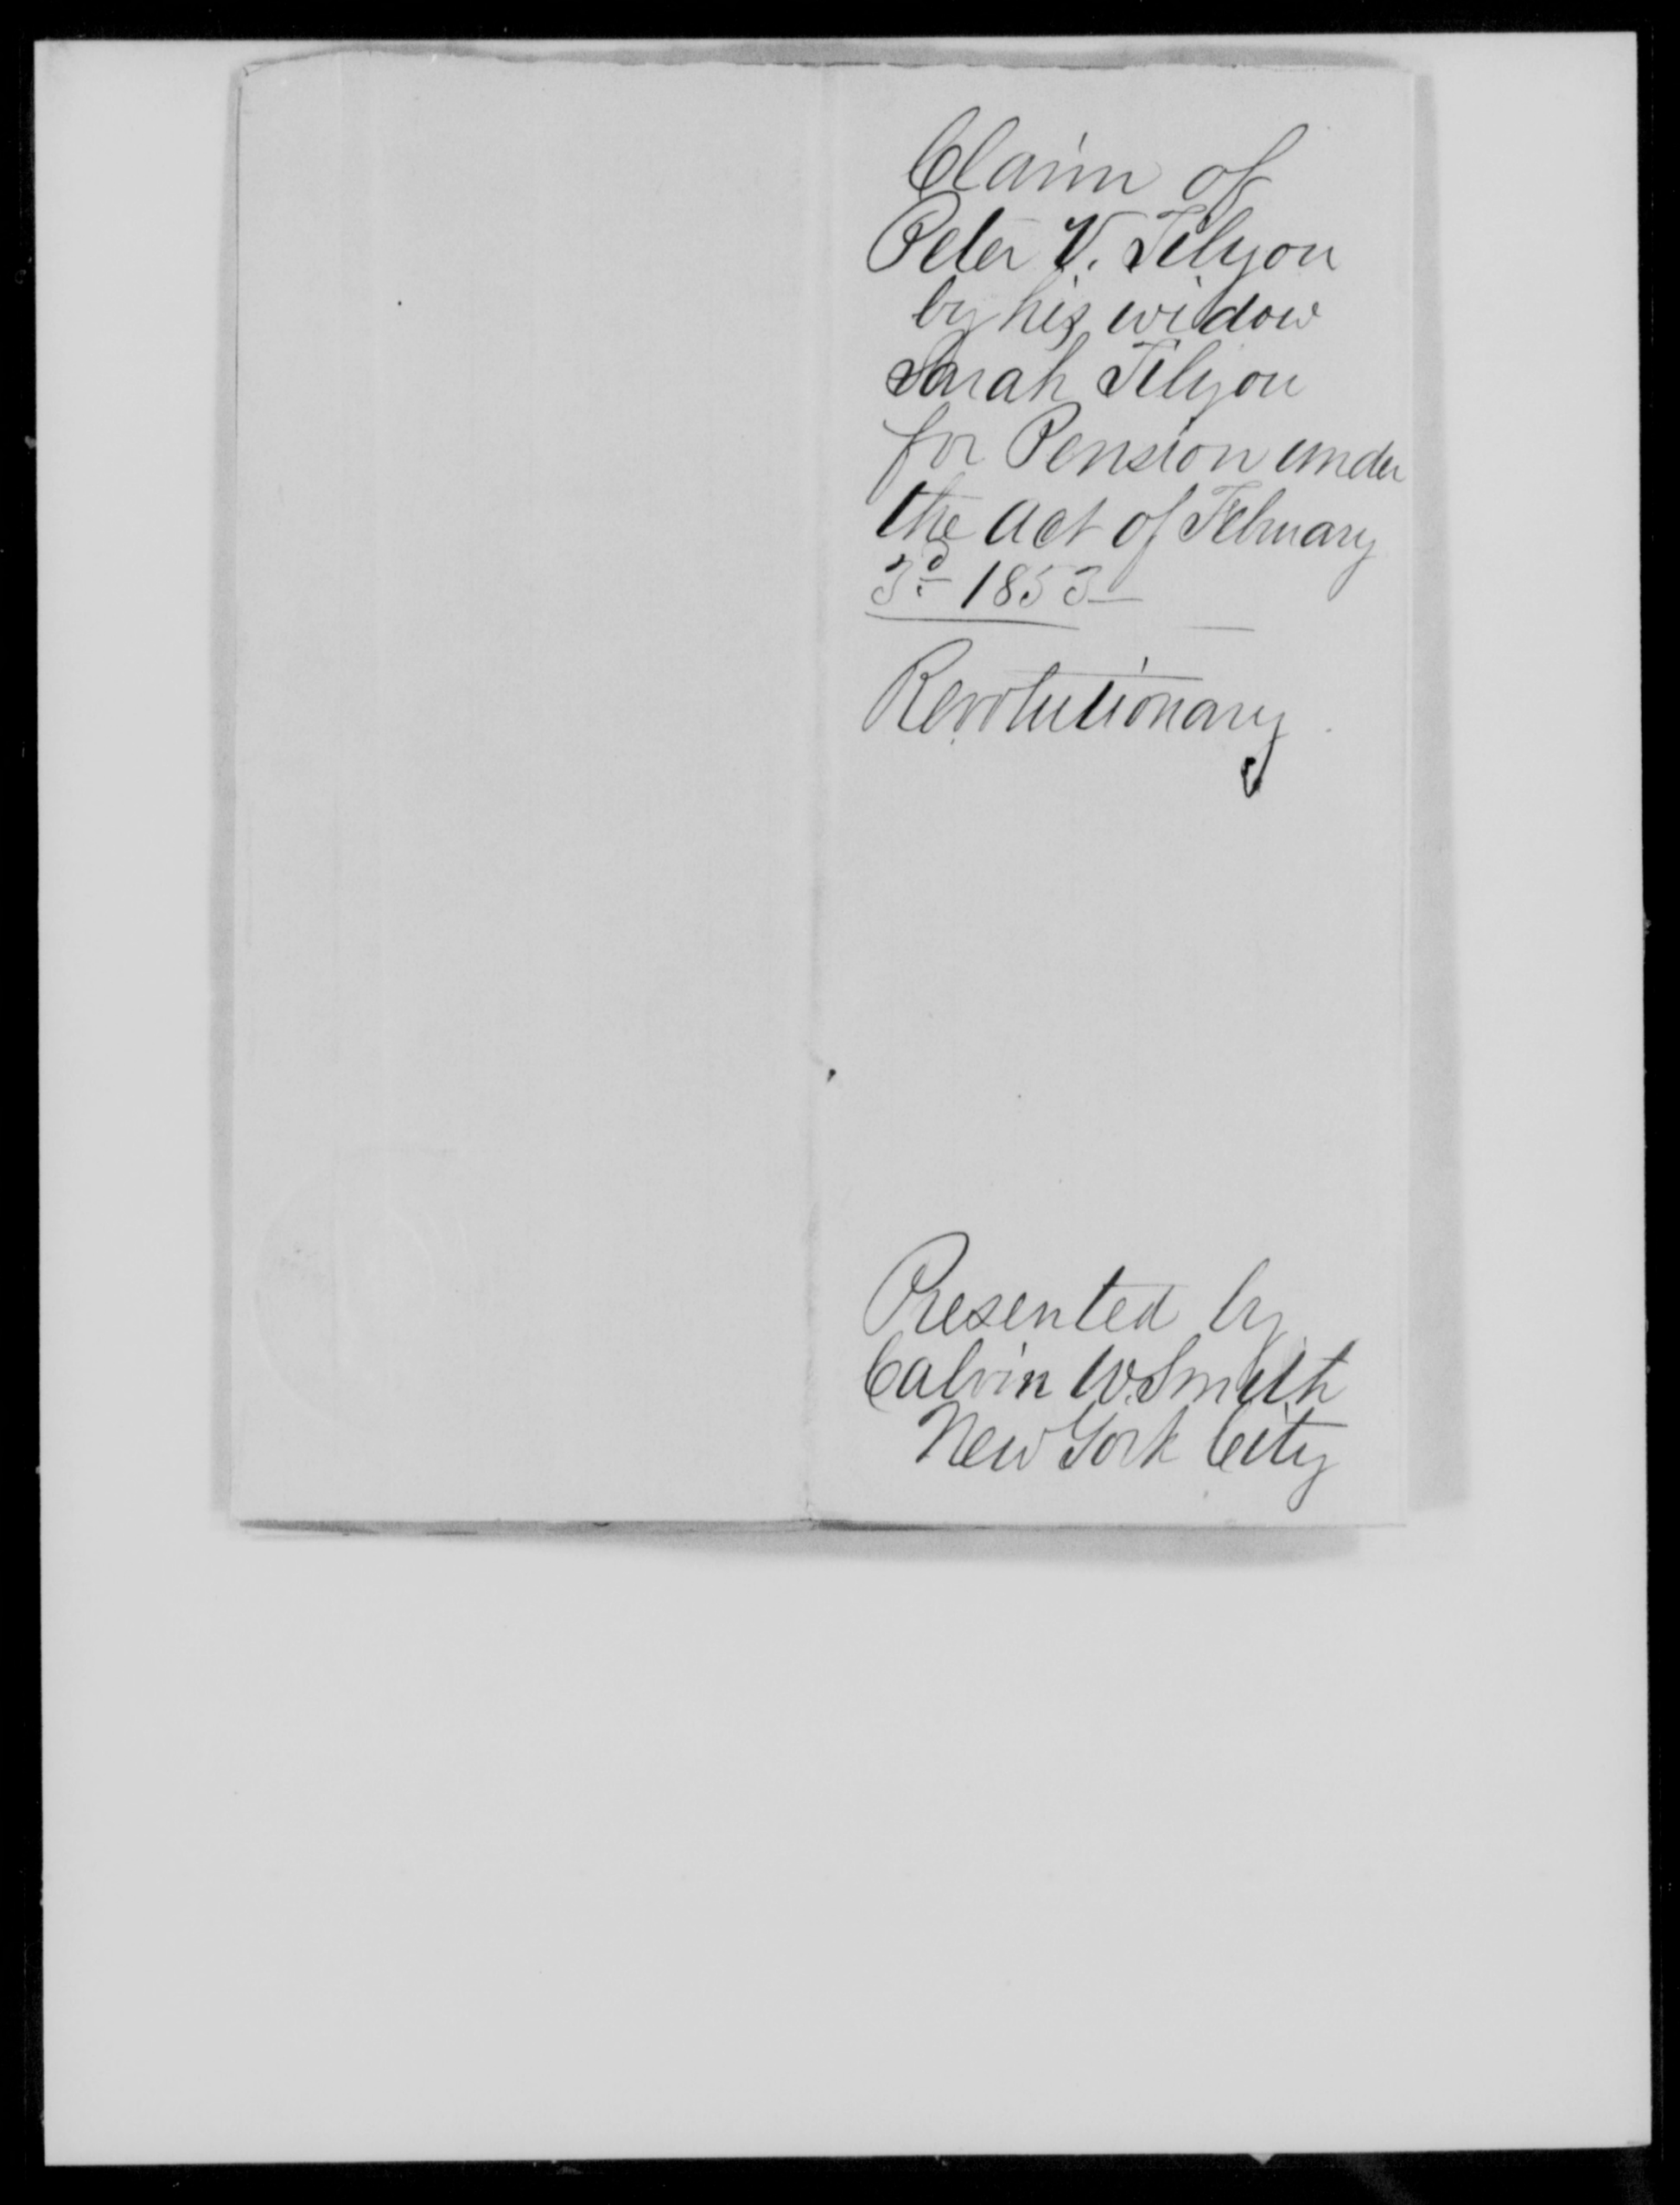Claim of 
Peter V. Tilyou
by his widow
Sarah Tilyou
for Pension under the Act of February 3d 1853
Revolutionary




Presented by
Calvin W. Smith
New York City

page: 13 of 101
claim: widow's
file: W. 25481, for Peter V Tilyou, New Jersey